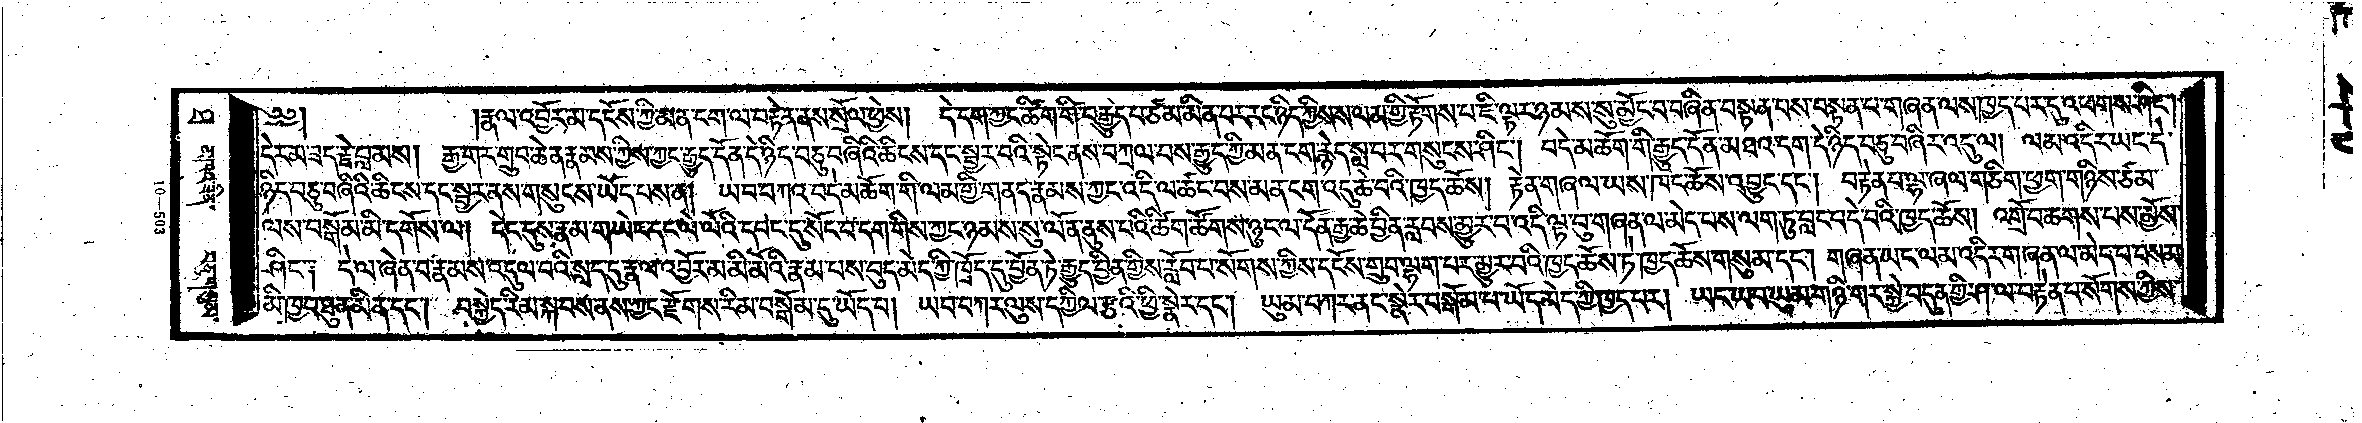༄༅། །རྣལ་འབྱོར་མ་དངོས་ཀྱི་མན་ངག་ལ་བརྟེན་ནས་སྲོལ་ཕྱེས། དེ་དག་ཀྱང་ཚིག་གི་བརྒྱུད་པ་ཙམ་མིན་པར་རང་ཉིད་ཀྱིས་ས་ལམ་གྱི་རྟོགས་པ་ཇི་ལྟར་ཉམས་སུ་མྱོང་བ་བཞིན་བསྟན་པས་བསྟན་པ་གཞན་ལས་ཁྱད་པར་དུ་འཕགས་ཤིང་།
དེར་མ་ཟད་རྗེ་བླ་མས། རྒྱ་གར་གྲུབ་ཆེན་རྣམས་ཀྱིས་ཀྱང་རྒྱུད་དོན་དེ་ཉིད་བཅུ་བཞིའི་ཆིངས་དང་སྦྱར་བའི་སྟེང་ནས་བཀྲལ་བས་རྒྱུད་ཀྱི་མན་ངག་རྙེད་སླ་བར་གསུངས་ཤིང་། བདེ་མཆོག་གི་རྒྱུད་དོན་མཐའ་དག་དེ་ཉིད་བཅུ་བཞིར་འདུ་ལ། ལམ་འདིར་ཡང་དེ་
ཉིད་བཅུ་བཞིའི་ཆིངས་དང་སྦྱར་ནས་གསུངས་ཡོད་པས་ན། ཡབ་བཀའ་བདེ་མཆོག་གི་ལམ་གྱི་གནད་རྣམས་ཀྱང་འདི་ལ་ཚང་བས་མན་ངག་འདུ་ཆེ་བའི་ཁྱད་ཆོས། རྟེན་གཞལ་ཡས་ཁང་ཆོས་འབྱུང་དང་། བརྟེན་པ་ལྷ་ཞལ་གཅིག་ཕྱག་གཉིས་ཙམ་
ལས་བསྒོམ་མི་དགོས་ལ། དེང་དུས་རྣམ་གཡེང་དང་ལེ་ལོའི་དབང་དུ་སོང་བ་དག་གིས་ཀྱང་ཉམས་སུ་ལོན་ནུས་པའི་ཚིག་ཚོགས་ཉུང་ལ་དོན་རྒྱ་ཆེ་བྱིན་རླབས་མྱུར་བ་འདི་ལྟ་བུ་གཞན་ལ་མེད་པས་ལག་ཏུ་བླང་བདེ་བའི་ཁྱད་ཆོས། འགྲོ་བ་ཆགས་པས་མྱོས་
ཤིང༑ དེ་ལ་ཞེན་པ་རྣམས་འདུལ་བའི་སླད་དུ་རྣལ་འབྱོར་མ་མི་མོའི་རྣམ་པས་བུད་མེད་ཀྱི་ཁྲོད་དུ་བྱོན་ཏེ་རྒྱུད་བྱིན་གྱིས་རློབ་པ་སོགས་ཀྱིས་དངོས་གྲུབ་ལྷག་པར་མྱུར་བའི་ཁྱད་ཆོས་ཏེ་ཁྱད་ཆོས་གསུམ་དང་། གཞན་ཡང་ལམ་འདིར་གཞན་ལ་མེད་པ་བསམ་
མི་ཁྱབ་ཐུན་མིན་དང་། བསྐྱེད་རིམ་སྐབས་ནས་ཀྱང་རྫོགས་རིམ་བསྒོམ་དུ་ཡོད་པ། ཡབ་བཀར་ལུས་དཀྱིལ་རྩའི་ཕྱི་སྣེར་དང་། ཡུམ་བཀར་ནང་སྣར་བསྒོམ་པ་ཡོད་མེད་ཀྱི་ཁྱད་པར། ཡང་ཡབ་ཡུམ་གཉི་གར་སྐྱེ་བདུན་གྱི་ཤ་ལ་བརྟེན་པ་སོགས་ཀྱིས་